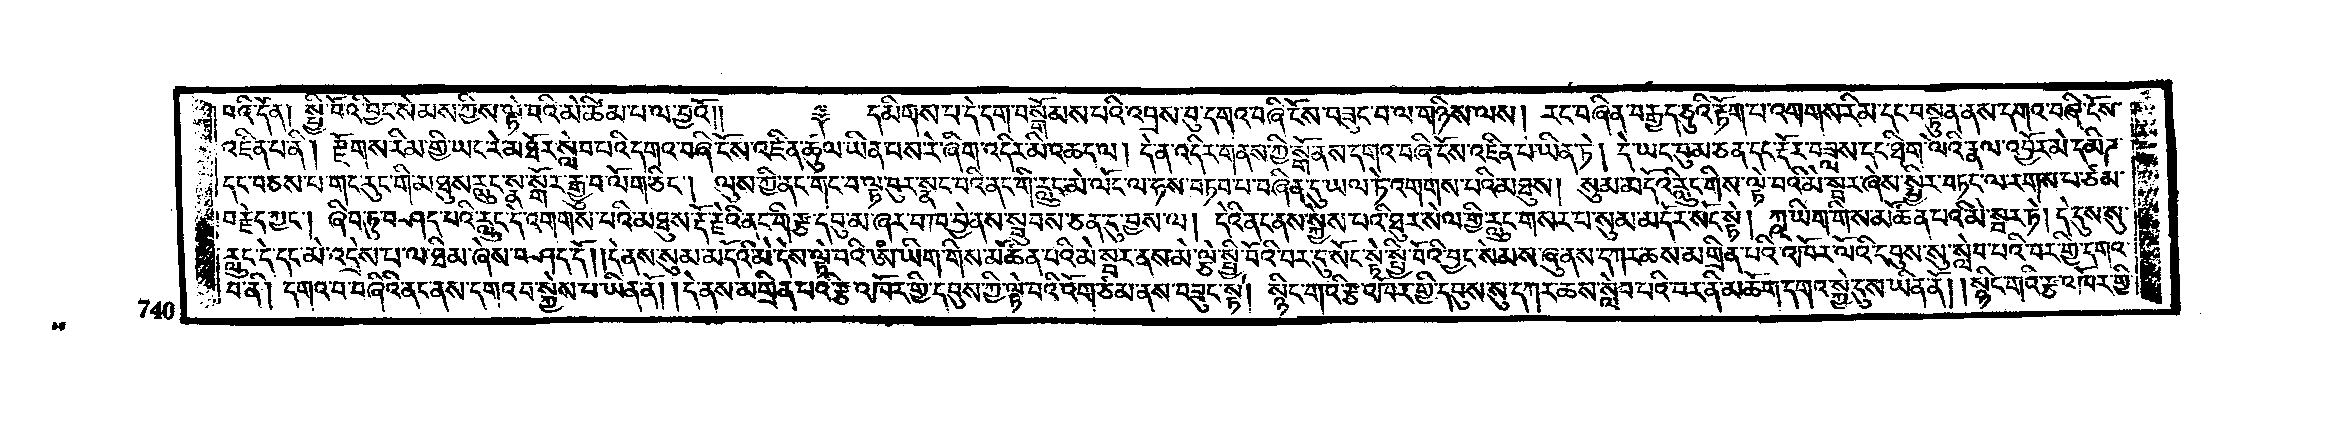བའི་དོན། སྤྱི་བོའི་བྱང་སེམས་ཀྱིས་ལྟེ་བའི་མེ་ཚིམ་པ་ལ་བྱའོ།། ༈ དམིགས་པ་དེ་དག་བསྒོམས་པའི་འབྲས་བུ་དགའ་བཞི་ངོས་བཟུང་བ་ལ་གཉིས་ལས། རང་བཞིན་བརྒྱད་ཅུའི་རྟོག་པ་འགགས་རིམ་དང་བསྟུན་ནས་དགའ་བཞི་ངོས་
འཛིན་པ་ནི། རྫོགས་རིམ་གྱི་ཡང་རེ་མཐོར་སླེབ་པའི་དགའ་བཞི་ངོས་འཛིན་ཚུལ་ཡིན་པས་རེ་ཞིག་འདིར་མི་འཆད་ལ། དེ་ན་འདིར་གནས་ཀྱི་སྒོ་ནས་དགའ་བཞི་ངོས་འཛིན་པ་ཡིན་ཏེ། དེ་ཡང་བུམ་ཅན་དང་རྡོར་བཟླས་དང་ཐིག་ལེའི་རྣལ་འབྱོར་མེ་དམིགས་
དང་བཅས་པ་གང་རུང་གི་མཐུས་རླུང་སྣ་སྒོར་རྒྱུ་བ་ལོག་ཅིང་། ལུས་ཀྱི་ནང་གང་བ་ལྟ་བུར་སྣང་བའི་ནང་གི་རླུང་མེ་ལོང་ལ་ཧས་བཏབ་པ་བཞིན་དུ་ཡལ་ཏེ་འགགས་པའི་མཐུས། སུམ་མདོའི་རླུང་གིས་ལྟེ་བའི་མེ་སྦར་ཞེས་སྤྱིར་བཏང་ལ་རགས་པ་ཙམ་
བརྗོད་ཀྱང་། ཞིབ་ཏུ་བཤད་པའི་རླུང་དེ་འགགས་པའི་མཐུས་རྡོ་རྗེའི་ནང་གི་རྩ་དབུ་མ་ཞར་བ་ཁ་བྱེ་ནས་སྦུབས་ཅན་དུ་བྱས་ལ། དེའི་ནང་ནས་སྐྱེས་པའི་ཐུར་སེལ་གྱི་རླུང་གསར་པ་སུམ་མདོར་སོང་སྟེ། ཀཥ་ཡིག་གིས་མཚོན་པའི་མེ་སྦར་ཏེ། དེ་དུས་སུ་
རླུང་དེ་དང་མེ་འདྲེས་པ་ལ་ཐིམ་ཞེས་བཤད་དོ། །དེ་ནས་སུམ་མདོའི་མེ་དེས་ལྟེ་བའི་ཨཾ་ཡིག་གིས་མཚོན་པའི་མེ་སྦར་ནས་མེ་ལྕེ་སྤྱི་བོའི་བར་དུ་སོང་སྟེ་སྤྱི་བོའི་བྱང་སེམས་ཞུ་ནས་དཀར་ཆས་མགྲིན་པའི་འཁོར་ལོའི་དབུས་སུ་སླེབ་པའི་བར་གྱི་དགའ་
བ་ནི། དགའ་བ་བཞིའི་ནང་ནས་དགའ་བ་སྐྱེས་པ་ཡིན་ནོ། །དེ་ནས་མགྲིན་པའི་རྩ་འཁོར་གྱི་དབུས་ཀྱི་ལྟེ་བའི་འོག་ཙམ་ནས་བཟུང་སྟེ། སྙིང་གའི་རྩ་འཁོར་གྱི་དབུས་སུ་དཀར་ཆས་སླེབ་པའི་བར་ནི་མཆོག་དགའ་སྐྱེ་དུས་ཡིན་ནོ། །སྙིང་གའི་རྩ་འཁོར་གྱི་